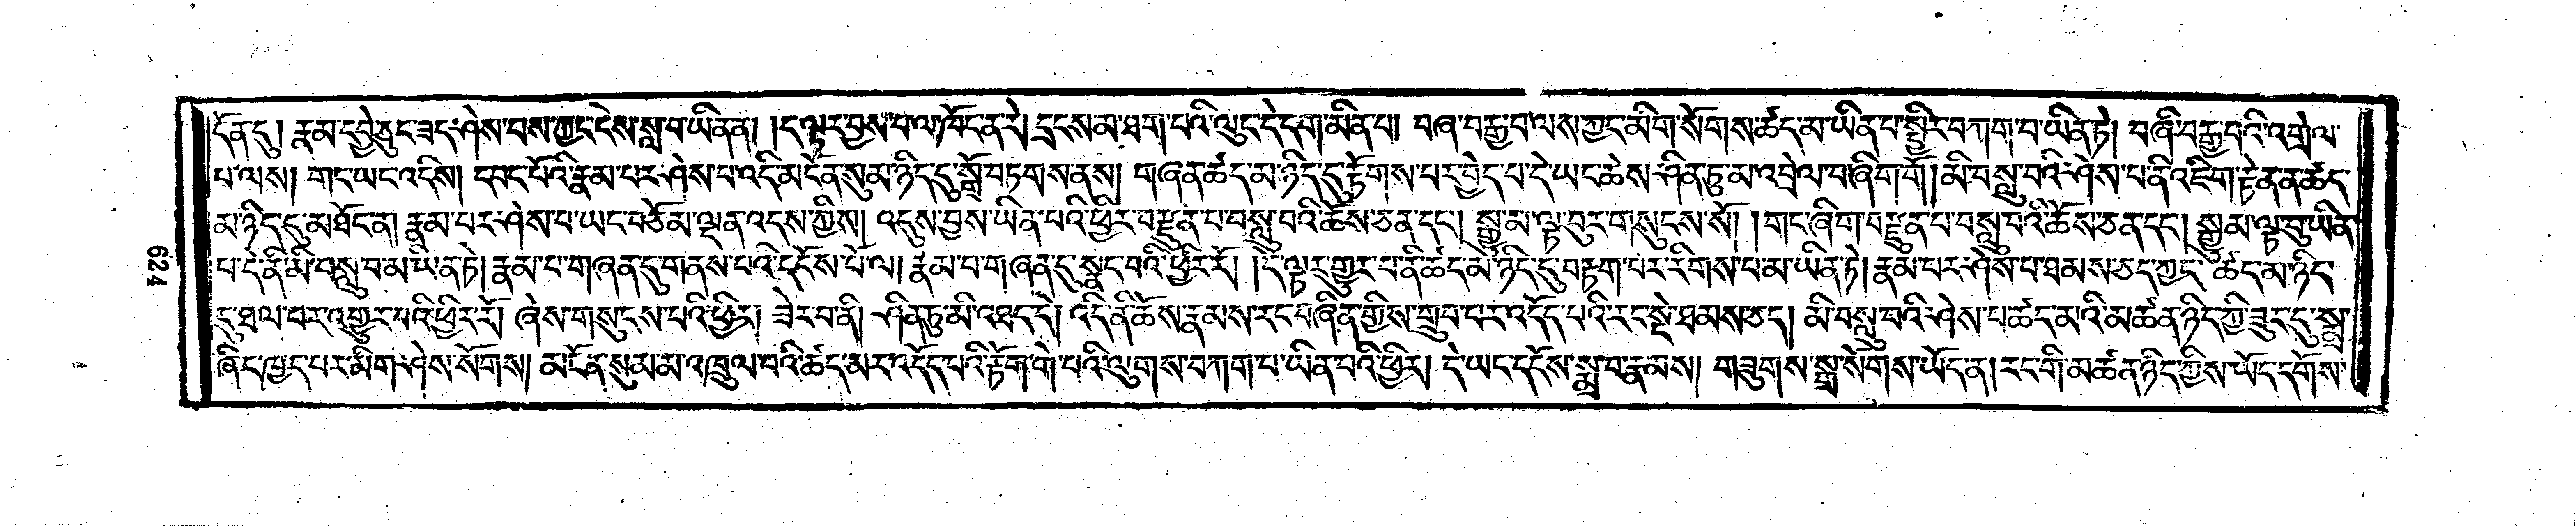དོན་དུ། རྣམ་དབྱེ་ཅུང་ཟད་ཤེས་པས་ཀྱང་ངེས་སླ་བ་ཡིན་ནོ། །དེ་ལྟར་བྱས་པ་ལ་ཁོང་ན་རེ། དྲངས་མ་ཐག་པའི་ལུང་དེ་དག་མིན་པ། བཞི་བརྒྱ་པ་ལས་ཀྱང་མིག་སོགས་ཚད་མ་ཡིན་པ་སྤྱིར་བཀག་པ་ཡིན་ཏེ། བཞི་བརྒྱ་པའི་འགྲེལ་
པ་ལས། གང་ཡང་འདིས། དབང་པོའི་རྣམ་པར་ཤེས་པ་འདི་མངོན་སུམ་ཉིད་དུ་སྒྲོ་བཏགས་ནས། གཞན་ཚད་མ་ཉིད་དུ་རྟོགས་པར་བྱེད་པ་དེ་ཡང་ཆེས་ཤིན་ཏུ་མ་འབྲེལ་བ་ཞིག་གོ །མི་བསླུ་བའི་ཤེས་པ་ནི་འཇིག་རྟེན་ན་ཚད་
མ་ཉིད་དུ་མཐོང་ན། རྣམ་པར་ཤེས་པ་ཡང་བཅོམ་ལྡན་འདས་ཀྱིས། འདུས་བྱས་ཡིན་པའི་ཕྱིར་བརྫུན་པ་བསླུ་བའི་ཆོས་ཅན་དང་། སྒྱུ་མ་ལྟ་བུར་གསུངས་སོ། །གང་ཞིག་བརྫུན་པ་བསླུ་བའི་ཆོས་ཅན་དང་། སྒྱུ་མ་ལྟ་བུ་ཡིན་
པ་དེ་ནི་མི་བསླུ་བ་མ་ཡིན་ཏེ། རྣམ་པ་གཞན་དུ་གནས་པའི་དངོས་པོ་ལ། རྣམ་པ་གཞན་དུ་སྣང་བའི་ཕྱིར་རོ། །དེ་ལྟར་གྱུར་པ་ནི་ཚད་མ་ཉིད་དུ་བརྟག་པར་རིགས་པ་མ་ཡིན་ཏེ། རྣམ་པར་ཤེས་པ་ཐམས་ཅད་ཀྱང་ཚད་མ་ཉིད་
དུ་ཐལ་བར་འགྱུར་བའི་ཕྱིར་རོ། ཞེས་གསུངས་པའི་ཕྱིར། ཟེར་བ་ནི། ཤིན་ཏུ་མི་འཐད་དེ། འདི་ནི་ཆོས་རྣམས་རང་བཞིན་གྱིས་གྲུབ་པར་འདོད་པའི་རང་སྡེ་ཐམས་ཅད། མི་བསླུ་བའི་ཤེས་པ་ཚད་མའི་མཚན་ཉིད་ཀྱི་ཟུར་དུ་སྨྲ་
ཞིང་ཁྱད་པར་མིག་ཤེས་སོགས། མངོན་སུམ་མ་འཁྲུལ་བའི་ཚད་མར་འདོད་པའི་རྟོག་གེ་པའི་ལུགས་བཀག་པ་ཡིན་པའི་ཕྱིར། དེ་ཡང་དངོས་སྨྲ་བ་རྣམས། གཟུགས་སྒྲ་སོགས་ཡོད་ན། རང་གི་མཚན་ཉིད་ཀྱིས་ཡོད་དགོས་